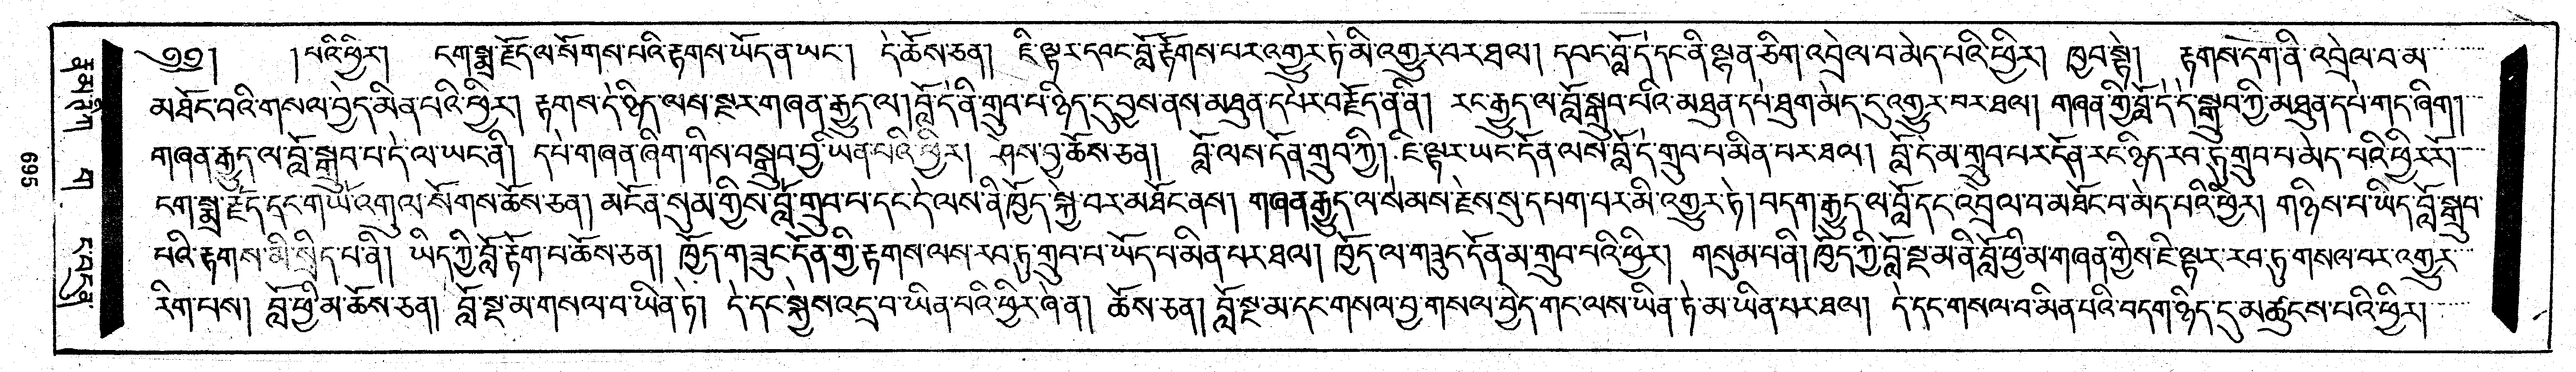༄༅། །པའི་ཕྱིར། ངག་སྨྲ་རྗོད་ལ་སོགས་པའི་རྟགས་ཡོད་ན་ཡང་། དེ་ཆོས་ཅན། ཇི་ལྟར་དབང་བློ་རྟོགས་པར་འགྱུར་ཏེ་མི་འགྱུར་བར་ཐལ། དབང་བློ་དེ་དང་ནི་ལྷན་ཅིག་འབྲེལ་བ་མེད་པའི་ཕྱིར། ཁྱབ་སྟེ། རྟགས་དག་ནི་འབྲེལ་བ་མ་
མཐོང་བའི་གསལ་བྱེད་མིན་པའི་ཕྱིར། རྟགས་དེ་ཉིད་ལས་སྔར་གཞན་རྒྱུད་ལ། བློ་དེ་ནི་གྲུབ་པ་ཉིད་དུ་བྱས་ནས་མཐུན་དཔེར་བརྗོད་ན་ནི། རང་རྒྱུད་ལ་བློ་སྒྲུབ་པའི་མཐུན་དཔེ་ཐུག་མེད་དུ་འགྱུར་བར་ཐལ། གཞན་གྱི་བློ་དེ་དེ་སྒྲུབ་ཀྱི་མཐུན་དཔེ་གང་ཞིག།
གཞན་རྒྱུད་ལ་བློ་སྒྲུབ་པ་དེ་ལ་ཡང་ནི། དཔེ་གཞན་ཞིག་གིས་བསྒྲུབ་བྱ་ཡིན་པའི་ཕྱིར། ཤེས་བྱ་ཆོས་ཅན། བློ་ལས་དོན་གྲུབ་ཀྱི། ཇི་ལྟར་ཡང་དོན་ལས་བློ་དེ་གྲུབ་པ་མིན་པར་ཐལ། བློ་དེ་མ་གྲུབ་པར་དོན་རང་ཉིད་རབ་ཏུ་གྲུབ་པ་མེད་པའི་ཕྱིར་རོ།
ངག་སྨྲ་རྗོད་དང་གཡོ་འགུལ་སོགས་ཆོས་ཅན། མངོན་སུམ་གྱིས་བློ་གྲུབ་པ་དང་དེ་ལས་ནི་ཁྱོད་སྐྱེ་བར་མཐོང་ནས། གཞན་རྒྱུད་ལ་སེམས་རྗེས་སུ་དཔག་པ་རྨི་འགྱུར་ཏེ། བདག་རྒྱུད་ལ་བློ་དང་འབྲེལ་བ་མཐོང་བ་མེད་པའི་ཕྱིར། གཉིས་པ་ཡིད་བློ་སྒྲུབ་
པའི་རྟགས་མི་སྲིད་པ་ནི། ཡིད་ཀྱི་བློ་རྟོག་པ་ཆོས་ཅན། ཁྱོད་གཟུང་དོན་གྱི་རྟགས་ལས་རབ་ཏུ་གྲུབ་པ་ཡོད་པ་མིན་པར་ཐལ། ཁྱོད་ལ་གཟུང་དོན་མ་གྲུབ་པའི་ཕྱིར། གསུམ་པ་ནི། ཁྱོད་ཀྱི་བློ་སྔ་མ་ནི་བློ་ཕྱི་མ་གཞན་གྱིས་ཇི་ལྟར་རབ་ཏུ་གསལ་བར་འགྱུར་
རིག་པས། བློ་ཕྱི་མ་ཆོས་ཅན། བློ་སྔ་མ་གསལ་བ་ཡིན་ཏེ། དེ་དང་སྐྱེས་འདྲ་བ་ཡིན་པའི་ཕྱིར་ཞེ་ན། ཆོས་ཅན། བློ་སྔ་མ་དང་གསལ་བྱ་གསལ་བྱེད་གང་ལས་ཡིན་ཏེ་མ་ཡིན་པར་ཐལ། དེ་དང་གསལ་བ་མིན་པའི་བདག་ཉིད་དུ་མཚུངས་པའི་ཕྱིར།